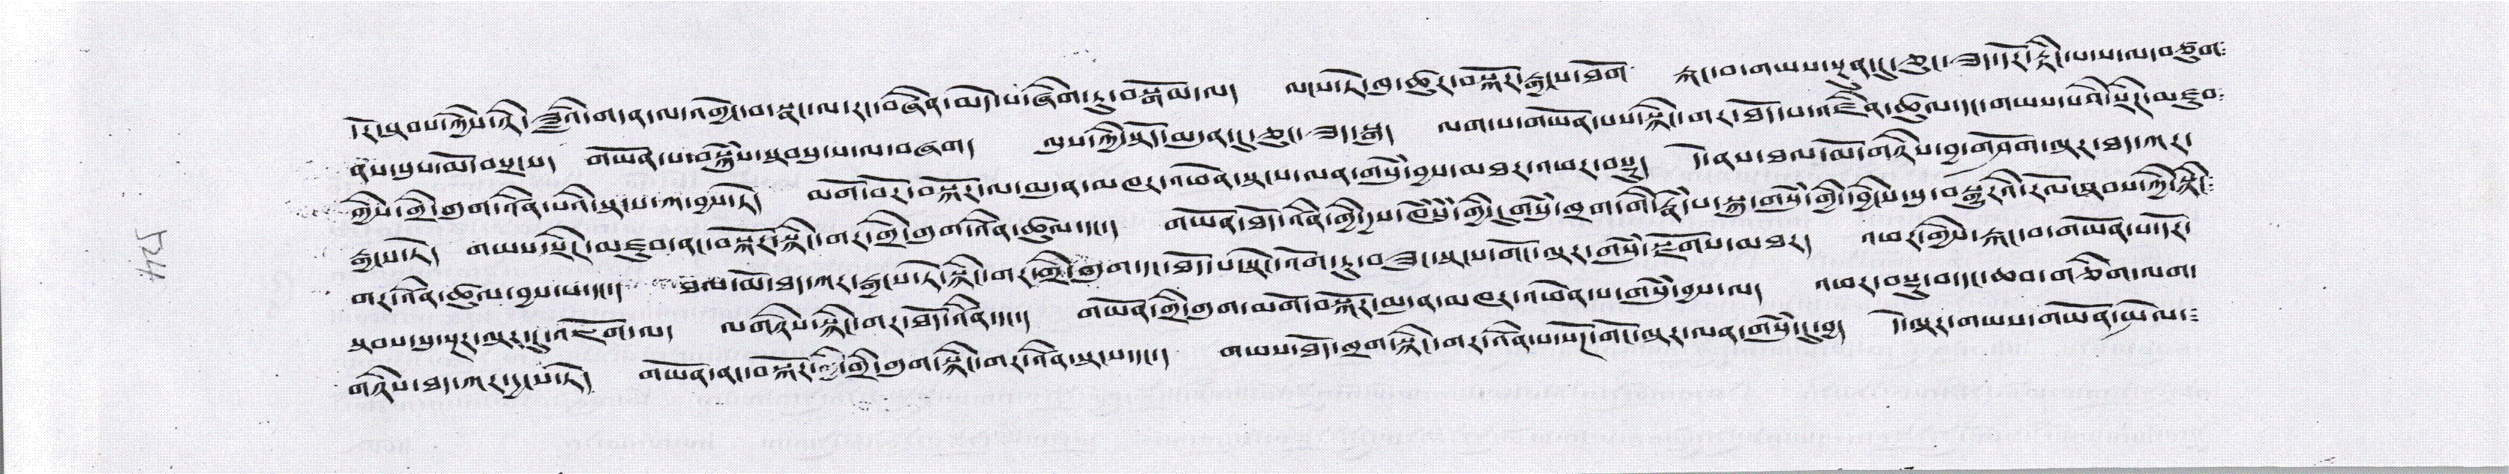དོར་སྟབས་ཀྱིས་ཉི་ཟླའི་གདན་ལ་འགྱིང་བ་སྣང་ལ་རང་བཞིན་མེད་པ་ཞིག་ཏུ་བསྒོམ་ལ། ལངས་ཏེ་ཁུ་ཚུར་བསྐོར་རྒྱངས་ཐོག་རྐང་པ་གཡས་སྔུན་དུ་ཅུང་ཟད་དོིར་རྟིང་པ་ས་ལ་བཙུགས་
ནས་པུས་མོ་བསྲངས། གཡོན་པ་སྐུམ་སྟབས་སུ་ས་ལ་བཞག ལུས་ཀྱི་སྟོད་མདུན་དུ་ཅུང་ཟད་སྒུ། ལག་པ་གཡོན་པས་སྙིང་གར་ཐོད་པ་འཛིན་ཚུལ་དང་གཡས་པའི་སྡིགས་མཛུབ་
ཀྱིས་གྲི་གུག་འཛིན་པའི་སྟངས་ཀ་བྱས་ཏེ་མགོ་བོར་བསྐོར་ལ་མདུན་མཁར་འཕེན་སྟངས་ལན་གསུམ་བྱས་མཐར་འཕར་བསྡུ། དེ་ནས་ཐལ་མོ་གཉིས་བྱ་གཤོག་ལྟར་ཐད་ཀར་
རྒྱངས་ཏེ། གཡས་སྡིགས་མཛུབ་ནང་བསྐོར་སྙིང་གར་གྲི་གུག་འཛིན་ཚུལ་དང་། གཡོན་ཐོད་འཛིན་གྱི་རྒྱས་ཁམས་གསུམ་གྱི་དུག་གསུམ་ཁྲག་གི་རྣམ་པ་སྐུ་གསུམ་གྱི་དབྱིངས་སུ་བསྒྱུར་བའི་རོལ་སྟབས་ཀྱི་སྙིང་
གར་འཛིན་ཚུལ་བྱས་པ་དང་། ཐལ་མོ་ཐད་ཀར་རྒྱངས་ཏེ་སྙིང་གར་གྲི་གུག་དང་ཐོད་པ་སྟེང་འོིག་ཏུ་བཟུང་སྟངས་གོང་ལྟར་གསུམ་རྫོགས་མཐར། འཕར་གྱིས་རྐང་པ་གཡོན་པ་དོར་
སྟབས་སུ་སྔར་ལྟར་དུ་འཇོག་ལ། ལག་གཉིས་སྙིང་གར་ཐོད་འཛིན་དང་། གཡོན་གྲི་གུག་མགོ་སྐོར་མདུན་མཁར་འཕེན་པ་གསུམ་བྱས་ལ། འཕར་བསྡུ་བ་དང་ཆབས་ཅིག་ལག་
གཉིས་ཐད་ཀར་རྒྱངས་ཏེ། གཡོན་ནང་སྐོར་གྲི་གུག་སྙིང་གར་འཛིན་སྟངས་དང་། གཡས་ཐོད་ཁྲག་སྙིང་གར་འཛིན་པ་སོགས་གོང་ལྟར་ལན་གསུམ་དུ་བྱ། དེ་ལྟར་གཡས་གཡོན་སྤེལ